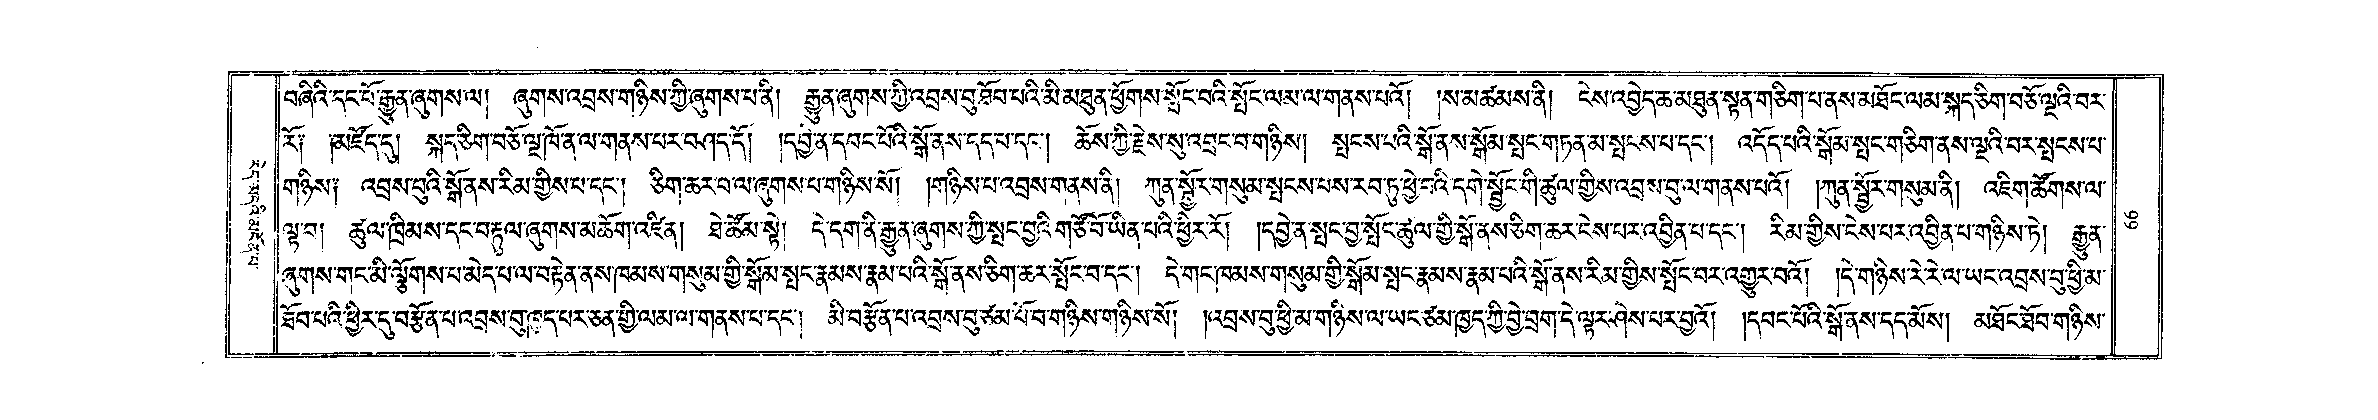བཞིའི་དང་པོ་རྒྱུན་ཞུགས་ལ། ཞུགས་འབྲས་གཉིས་ཀྱི་ཞུགས་པ་ནི། རྒྱུན་ཞུགས་ཀྱི་འབྲས་བུ་ཐོབ་པའི་མི་མཐུན་ཕྱོགས་སྤོང་བའི་སྤོང་ལམ་ལ་གནས་པའོ། །ས་མཚམས་ནི། ངེས་འབྱེད་ཆ་མཐུན་སྟན་གཅིག་པ་ནས་མཐོང་ལམ་སྐད་ཅིག་བཅོ་ལྔའི་བར་
རོ༑ ༑མཛོད་དུ། སྐད་ཅིག་བཅོ་ལྔ་ཁོ་ན་ལ་གནས་པར་བཤད་དོ། །དབྱེ་ན་དབང་པོའི་སྒོ་ནས་དད་པ་དང་། ཆོས་ཀྱི་རྗེས་སུ་འབྲང་བ་གཉིས། སྤངས་པའི་སྒོ་ནས་སྒོམ་སྤང་གཏན་མ་སྤངས་པ་དང་། འདོད་པའི་སྒོམ་སྤང་གཅིག་ནས་ལྔའི་བར་སྤངས་པ་
གཉིས༑ འབྲས་བུའི་སྒོ་ནས་རིམ་གྱིས་པ་དང་། ཅིག་ཆར་བ་ལ་ཞུགས་པ་གཉིས་སོ། །གཉིས་པ་འབྲས་གནས་ནི། ཀུན་སྦྱོར་གསུམ་སྤངས་པས་རབ་ཏུ་ཕྱེ་བའི་དགེ་སྦྱོང་གི་ཚུལ་གྱིས་འབྲས་བུ་ལ་གནས་པའོ། །ཀུན་སྦྱོར་གསུམ་ནི། འཇིག་ཚོགས་ལ་
ལྟ་བ། ཚུལ་ཁྲིམས་དང་བརྟུལ་ཞུགས་མཆོག་འཛིན། ཐེ་ཚོམ་སྟེ། དེ་དག་ནི་རྒྱུན་ཞུགས་ཀྱི་སྤང་བྱའི་གཙོ་བོ་ཡིན་པའི་ཕྱིར་རོ། །དབྱེ་ན་སྤང་བྱ་སྤོང་ཚུལ་གྱི་སྒོ་ནས་ཅིག་ཆར་ངེས་པར་འབྱིན་པ་དང་། རིམ་གྱིས་ངེས་པར་འབྱིན་པ་གཉིས་ཏེ། རྒྱུན་
ཞུགས་གང་མི་ལྕོགས་པ་མེད་པ་ལ་བརྟེན་ནས་ཁམས་གསུམ་གྱི་སྒོམ་སྤང་རྣམས་རྣམ་པའི་སྒོ་ནས་ཅིག་ཆར་སྤོང་བ་དང་། དེ་གང་ཁམས་གསུམ་གྱི་སྒོམ་སྤང་རྣམས་རྣམ་པའི་སྒོ་ནས་རིམ་གྱིས་སྤོང་བར་འགྱུར་བའོ། །དེ་གཉིས་རེ་རེ་ལ་ཡང་འབྲས་བུ་ཕྱི་མ་
ཐོབ་པའི་ཕྱིར་དུ་བརྩོན་པ་འབྲས་བུ་ཁྱད་པར་ཅན་གྱི་ལམ་ལ་གནས་པ་དང་། མི་བརྩོན་པ་འབྲས་བུ་ཙམ་པོ་བ་གཉིས་གཉིས་སོ། །འབྲས་བུ་ཕྱི་མ་གཉིས་ལ་ཡང་ཙམ་ཁྱད་ཀྱི་བྱེ་བྲག་དེ་ལྟར་ཤེས་པར་བྱའོ། །དབང་པོའི་སྒོ་ནས་དད་མོས། མཐོང་ཐོབ་གཉིས་